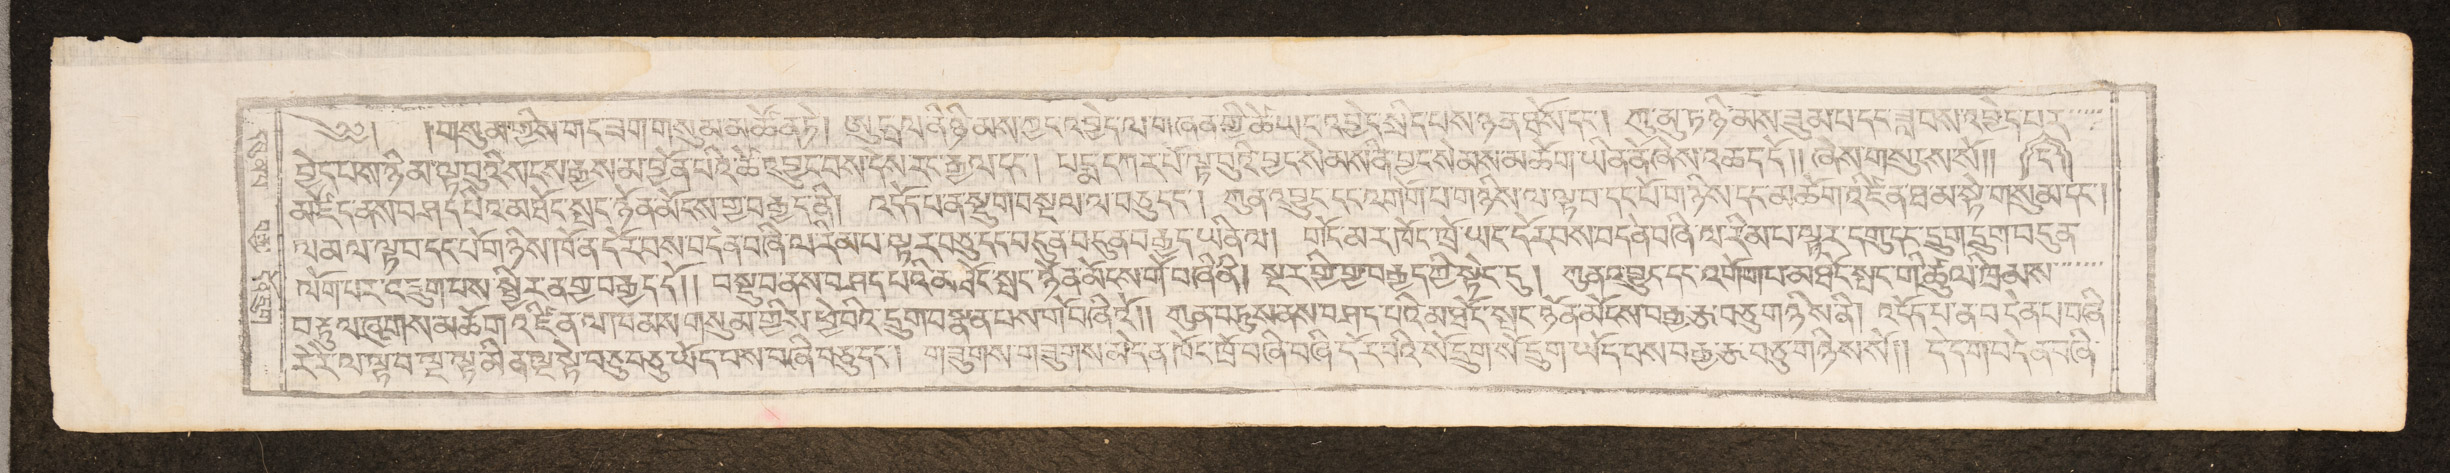༄༅། །གསུམ་གྱིས་གང་ཟག་གསུམ་མཚོན་ཏེ། ཨུཏྤ་ལ་ནི་ཉི་མས་ཀྱང་འབྱེད་ལ་གཞན་གྱི་ཚེ་ཡང་འབྱེད་སྲིད་པས་ཉན་ཐོས་དང་། ཀུ་མུ་ཏ་ཉི་མས་ཟུམ་པ་དང་ཟླ་བས་འབྱེད་པར་
བྱེད་པས་ཉི་མ་ལྟ་བུའི་སངས་རྒྱས་མ་བྱོན་པའི་ཚེ་འབྱུང་བས་དེས་རང་རྒྱལ་དང་། པདམ་དཀར་པོ་ལྟ་བུའི་བྱང་སེམས་ནི་བྱང་སེམས་མཆོག་ཡིན་ནོ་ཞེས་འཆད་དོ། །ཞེས་གསུངས་སོ།། ༼༽ང༼༽
མཛད་ནས་བཤད་པའི་མཐོང་སྤང་ཉོན་མོངས་གྱ་བརྒྱད་ནི། འདོད་པ་ན་སྡུག་བསྔལ་ལ་བཅུ་དང་། ཀུན་འབྱུང་དང་འགོག་པ་གཉིས་ལ་ལྟ་བ་དང་པོ་གཉིས་དང་མཆོག་འཛིན་ཐ་མ་སྟེ་གསུམ་དང་།
ལམ་ལ་ལྟ་བ་དང་པོ་གཉིས་ཁོ་ན་དོར་བས་བདེན་བཞི་ལ་རིམ་པ་ལྟར་བཅུ་དང་བདུན་བདུན་བརྒྱད་ཡིན་ལ། གོང་མར་ཁོང་ཁྲོ་ཡང་དོར་བས་བདེན་བཞི་ལ་རིམ་པ་ལྟར་དགུ་དང་དྲུག་དྲུག་བདུན་
ལོག་པར་འཇུག་པས་སྤྱིར་ན་རྒྱ་བརྒྱད་དོ།། བསྡུ་བ་ནས་བཤད་པའི་མཐོང་སྤང་ཉོན་མོངས་གོ་བཞི་ནི། སྔར་གྱི་གྱ་བརྒྱད་ཀྱི་སྟེང་དུ། ཀུན་འབྱུང་དང་འགོག་པ་མཐོང་སྤང་གི་ཚུལ་ཁྲིམས་
བརྟུལ་ཞུགས་མཆོག་འཛིན་ལ་ཁམས་གསུམ་གྱིས་ཕྱེ་བའི་དྲུག་བསྣན་པས་གོ་བཞིའོ།། ཀུན་བཏུས་ནས་བཤད་པའི་མཐོད་སྤང་ཉོན་མོངས་བརྒྱ་རྩ་བཅུ་གཉིས་ནི། འདོད་པ་ན་བདེན་པ་བཞི་
རེ་རེ་ལ་ལྟ་བ་ལྔ་ལྟ་མིན་ལྔ་སྟེ་བཅུ་བཅུ་ཡོད་པས་བཞི་བཅུ་དང་། གཟུགས་གཟུགས་མེད་ན་ཁོང་ཁྲོ་བཞི་བཞི་དོར་བའི་སོ་དྲུག་སོ་དྲུག་ཡོད་པས་བརྒྱ་རྩ་བཅུ་གཉིས་སོ།། དེ་དག་བདེན་བཞི་